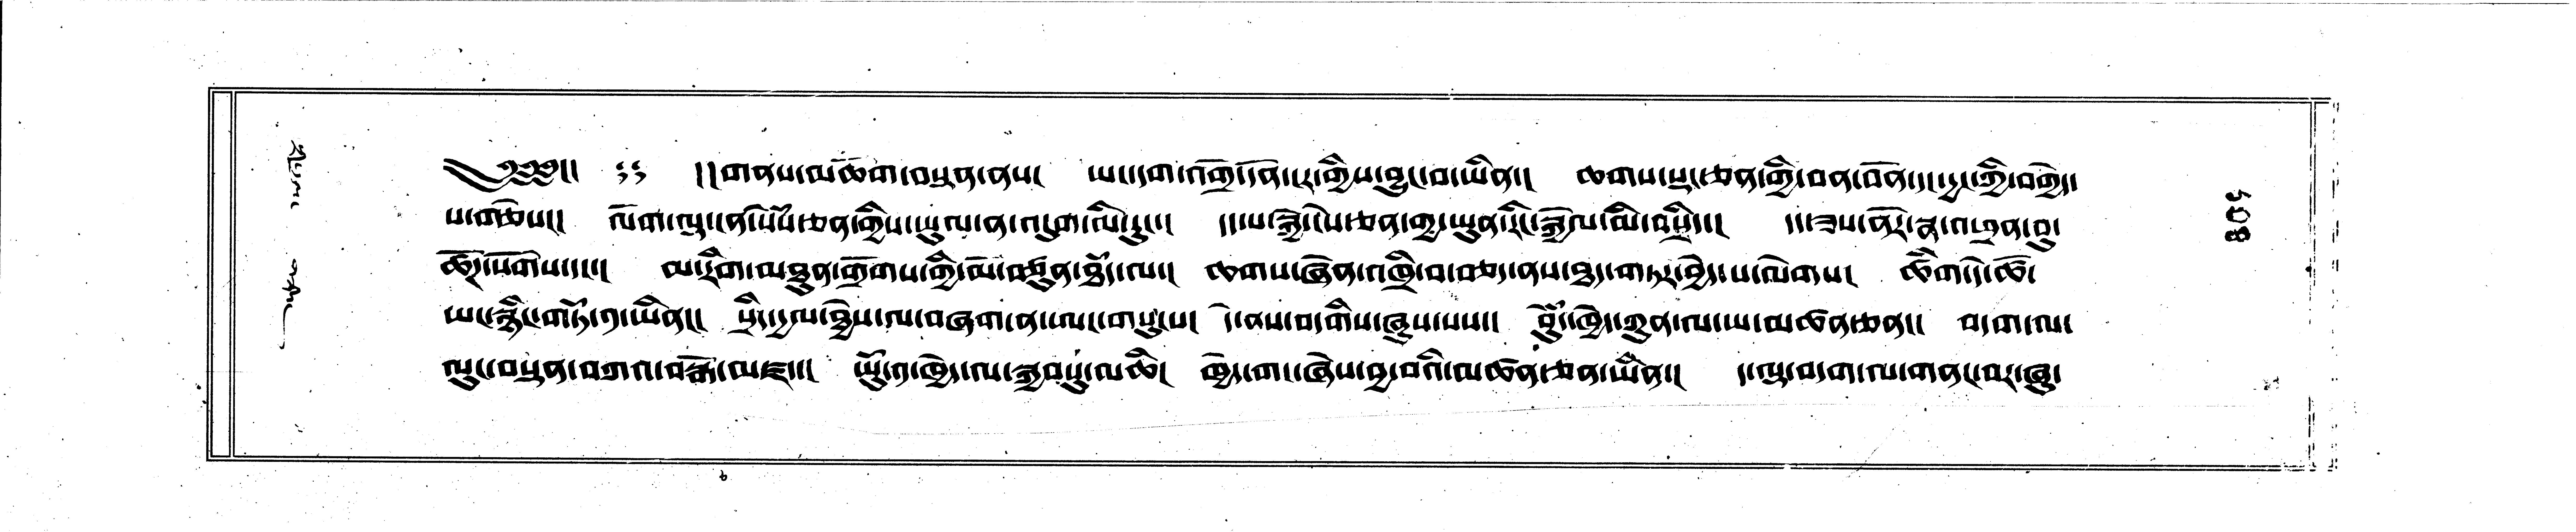གནས་མཆོག་བསྟན་ནས། ཡང་དག་འགྲོ་དོན་ངར་གྱིས་བྱུང་བ་ཡིན། ཆགས་སྡང་ཅན་གྱི་བན་བོན་དང་རྒྱང་གིས་བགྱེད་
པ་གཅེས། ལོག་ལྟ་ངན་སེམས་ཅན་གྱི་ཡུལ་ན་འདུག་མི་རུང་། དད་པ་སྐྱོ་ངེས་ཅན་གྱི་ཡུན་རིང་སྐྱོལ་མི་སྲིད། དད་ཟས་ནོར་སྣ་འཕྲན་བུ་
ཚོགས་སོགས་དང་། མ་རིག་མཐུན་གྲོགས་ཀྱི་མོ་བཙུན་ཐམས་ཅད་ལ། ཆགས་ཞེན་འཁྲི་བ་བཅད་ནས་ཐད་གཏོར་བྱེད་པ་ལེགས། ཚིག་དེ་ཚོ་
ཡང་སྙིང་གཏམ་ཞིག་ཡིན། སྲིད་རྒྱལ་ཐུགས་རྗེས་ལ་བཞག་ན་ཨང་གསུངས། དེ་ནས་བདག་གིས་ཞུས་པས། བུད་མེད་ཁྱེད་ཀུན་ལ་ཡ་མཚན་ཅན། བདག་ལ་
ལུང་བསྟན་བཀའ་བསྒོ་མཛད། །ཡུམ་གཅིག་ཁྱེད་ལ་སྐྱབས་སུ་མཆི། །ཁྱེད་གང་ཞེས་བྱ་བའི་མཚན་ཅན་ཡིན། །ད་ལྟ་བདག་ལ་གནང་བར་ཞུ་